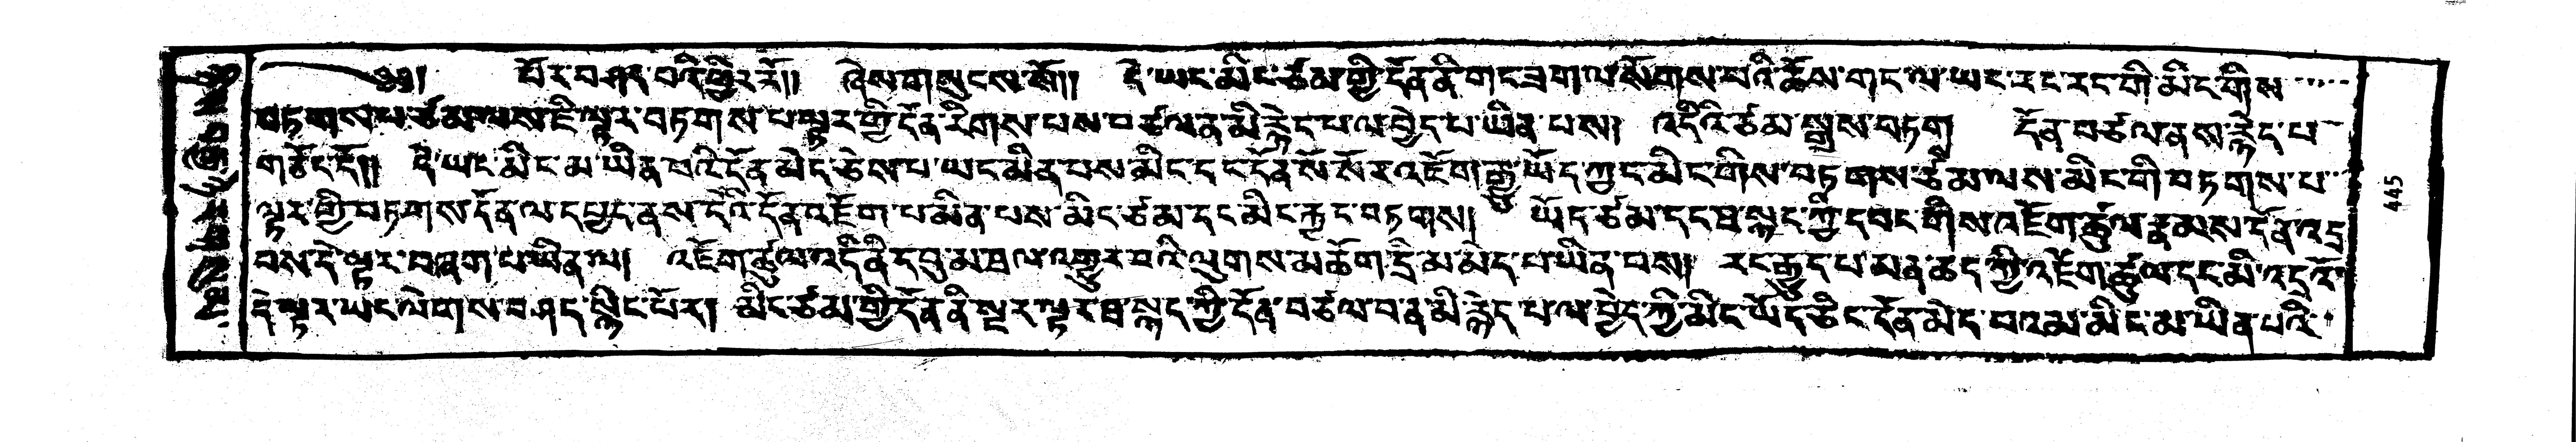༄༅། །པོར་བཤད་པའི་ཕྱིར་རོ།། ཞེས་གསུངས་སོ།། དེ་ཡང་མིང་ཙམ་གྱི་དོན་ནི་གང་ཟག་ལ་སོགས་པའི་ཆོས་གང་ལ་ཡང་རང་རང་གི་མིང་གིས་
བཏགས་པ་ཙམ་ལས་ཇི་ལྟར་བཏགས་པ་ལྟར་གྱི་དོན་རིགས་པས་བཙལ་ན་མི་རྙེད་པ་ལ་བྱེད་པ་ཡིན་པས། འདིའི་ཙམ་སྒྲས་བཏགས་དོན་བཙལ་ནས་རྙེད་པ་
གཅོད་དོ།། དེ་ཡང་མིང་མ་ཡིན་པའི་དོན་མེད་ཅེས་པ་ཡང་མིན་པས་མིང་དང་དོན་སོ་སོར་འཇོག་རྒྱུ་ཡོད་ཀྱང་མིང་གིས་བཏགས་ཙམ་ལས་མིང་གི་བཏགས་པ་
ལྟར་གྱི་བཏགས་དོན་ལ་དཔྱད་ནས་དེའི་དོན་འཇོག་པ་མིན་པས་མིང་ཙམ་དང་མིང་རྐྱང་བཏགས། ཡོད་ཙམ་དང་ཐ་སྙད་ཀྱི་དབང་གིས་འཇོག་ཚུལ་རྣམས་དོན་འདྲ་
བས་དེ་ལྟར་བཞག་པ་ཡིན་ལ། འཇོག་ཚུལ་འདི་ནི་དབུ་མ་ཐལ་འགྱུར་བའི་ལུགས་མཆོག་དྲི་མ་མེད་པ་ཡིན་པས། རང་རྒྱུད་པ་མན་ཆད་ཀྱི་འཇོག་ཚུལ་དང་མི་འདྲའོ་
དེ་ལྟར་ཡང་ལེགས་བཤད་སྙིང་པོར། མིང་ཙམ་གྱི་དོན་ནི་སྔར་ལྟར་ཐ་སྙད་ཀྱི་དོན་བཙལ་བ་ན་མི་རྙེད་པ་ལ་བྱེད་ཀྱི་མིང་ཡོད་ཅིང་དོན་མེད་པའམ་མིང་མ་ཡིན་པའི་